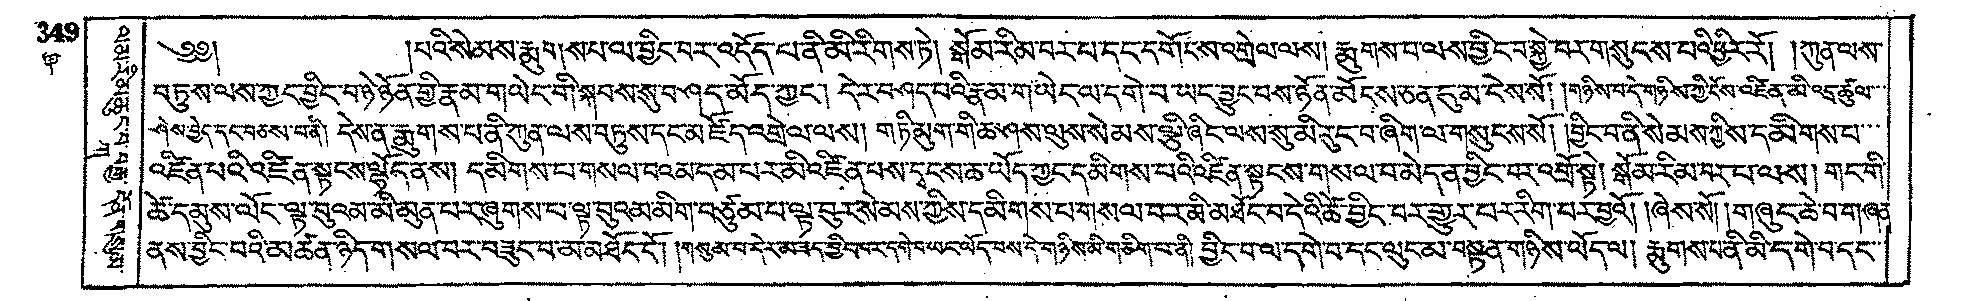༄༅། །པའི་སེམས་རྨུགས་པ་ལ་བྱིང་བར་འདོད་པ་ནི་མི་རིགས་ཏེ། སྒོམ་རིམ་བར་པ་དང་དགོངས་འགྲེལ་ལས། རྨུགས་པ་ལས་བྱིང་བ་སྐྱེ་བར་གསུངས་པའི་ཕྱིར་རོ། །ཀུན་ལས་
བཏུས་ལས་ཀྱང་བྱིང་བ་ཉེ་ཉོན་གྱི་རྣམ་གཡེང་གི་སྐབས་སུ་བཤད་མོད་ཀྱང་། དེར་བཤད་པའི་རྣམ་གཡེང་ལ་དགེ་བ་ཡང་བྱུང་བས་ཉོན་མོངས་ཅན་དུ་མ་ངེས་སོ། །གཉིས་པ་དེ་གཉིས་ཀྱི་ངོས་འཛིན་མི་འདྲ་ཚུལ་
ཤེས་བྱེད་དང་བཅས་པ་ནི། དེས་ན་རྨུགས་པ་ནི་ཀུན་ལས་བཏུས་དང་མཛོད་འགྲེལ་ལས། གཏི་མུག་གི་ཆ་ཤས་ལུས་སེམས་ལྕི་ཞིང་ལས་སུ་མི་རུང་བ་ཞིག་ལ་གསུངས་སོ། །བྱིང་བ་ནི་སེམས་ཀྱིས་དམིགས་པ་
འཛིན་པའི་འཛིན་སྟངས་ལྷོད་ནས། དམིགས་པ་གསལ་བའམ་དམ་པར་མི་འཛིན་པས་དྭངས་ཆ་ཡོད་ཀྱང་དམིགས་པའི་འཛིན་སྟངས་གསལ་བ་མེད་ན་བྱིང་བར་འགྲོ་སྟེ། སྒོམ་རིམ་བར་པ་ལས། གང་གི་
ཚེ་དམུས་ལོང་ལྟ་བུའམ་མི་མུན་པར་ཞུགས་པ་ལྟ་བུའམ་མིག་བཙུམ་པ་ལྟ་བུར་སེམས་ཀྱིས་དམིགས་པ་གསལ་བར་མི་མཐོང་བ་དེའི་ཚེ་བྱིང་བར་གྱུར་པར་རིག་པར་བྱའོ། །ཞེས་སོ། །གཞུང་ཆེ་བ་གཞན་
ནས་བྱིང་བའི་མཚན་ཉིད་གསལ་བར་བཟུང་བ་མ་མཐོང་ངོ། །གསུམ་པ་དེར་མ་ཟད་བྱིང་བར་དགེ་བ་ཡང་ཡོད་པས་དེ་གཉིས་མི་གཅིག་པ་ནི།  བྱིང་བ་ལ་དགེ་བ་དང་ལུང་མ་བསྟན་གཉིས་ཡོད་ལ། རྨུགས་པ་ནི་མི་དགེ་བ་དང་